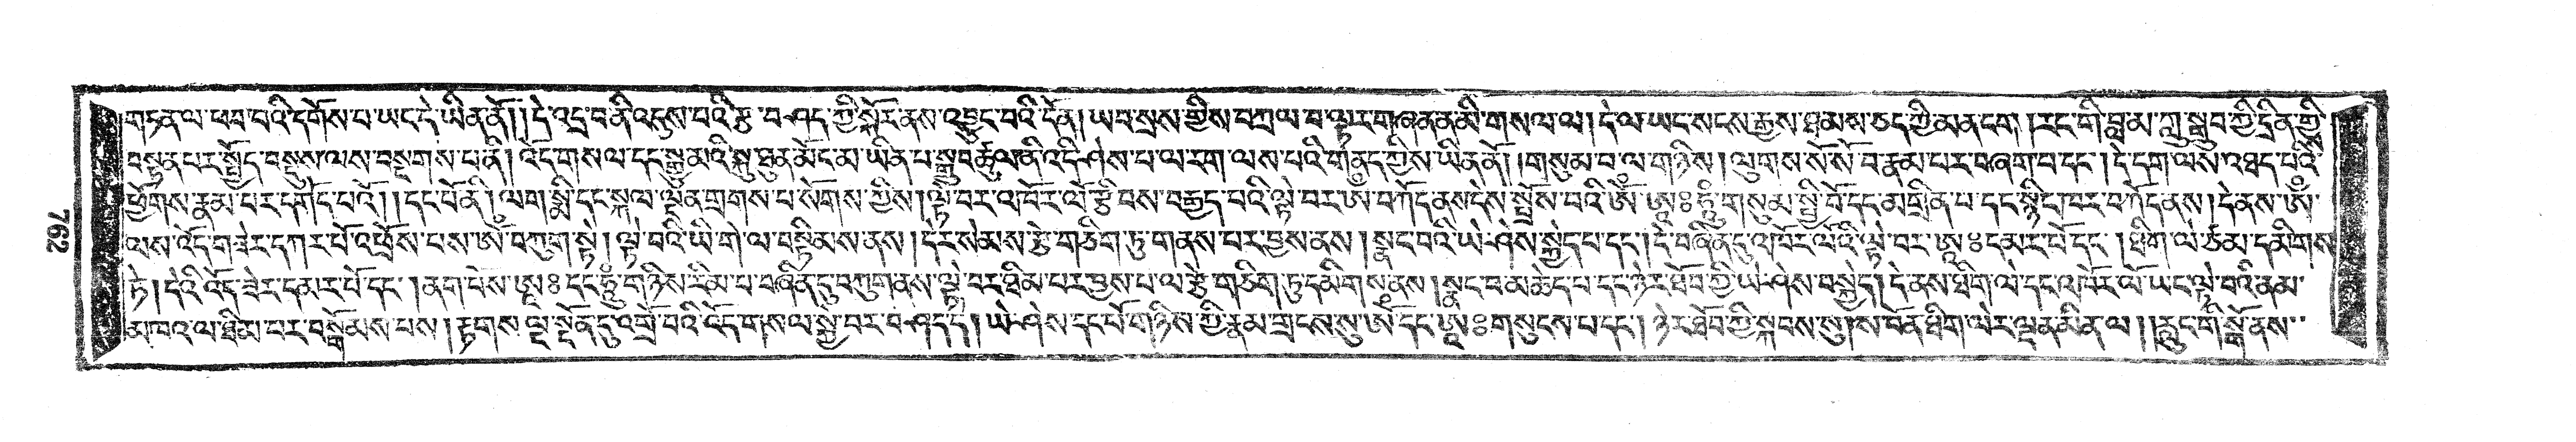གཏན་ལ་ཕབ་པའི་དགོས་པ་ཡང་དེ་ཡིན་ནོ། །དེ་འདྲ་བ་ནི་འདུས་པའི་རྩ་བཤད་ཀྱི་སྐོར་ནས་འབྱུང་བའི་དོན། ཡབ་སྲས་ཀྱིས་བཀྲལ་བ་ལྟར་གཞན་ན་མི་གསལ་ལ། དེ་ལ་ཡང་སངས་རྒྱས་ཐམས་ཅད་ཀྱི་མན་ངག །རང་གི་བླ་མ་ཀླུ་སྒྲུབ་ཀྱི་དྲིན་གྱི་
བསྟན་པར་སྤྱོད་བསྡུས་ལས་བསྔགས་པ་ནི། འོད་གསལ་དང་སྒྱུ་མའི་སྐུ་ཐུན་མོང་མ་ཡིན་པ་སྒྲུབ་ཚུལ་ནི་འདི་ཤེས་པ་ལ་རག་ལས་པའི་གནད་ཀྱིས་ཡིན་ནོ། །གསུམ་པ་ལ་གཉིས། ལུགས་སོ་སོ་བ་རྣམ་པར་བཞག་པ་དང་། དེ་དག་ལས་འཐད་པའི་
ཕྱོགས་རྣམ་པར་དགོད་པའོ། །དང་པོ་ནི། ལག་སྨི་དང་སྐལ་ལྡན་གྲགས་པ་སོགས་ཀྱིས། ལྟེ་བར་འཁོར་ལོ་རྩིབས་བརྒྱད་པའི་ལྟེ་བར་ཨོཾ་བཀོད་ནས་དེས་སྤྲོས་པའི་ཨོཾ་ཨཱཿ ཧཱུཾ་གསུམ་སྤྱི་བོ་དང་མགྲིན་པ་དང་སྙིང་ཁར་བཀོད་ནས། དེ་ནས་ཨོཾ་
ལས་འོད་གཟེར་དཀར་པོ་འཕྲོས་པས་ཨོཾ་བཀུག་སྟེ། ལྟེ་བའི་ཡི་གེ་ལ་བསྟིམས་ནས། དེར་སེམས་རྩེ་གཅིག་ཏུ་གནས་པར་བྱས་ནས། སྣང་བའི་ཡེ་ཤེས་སྐྱེད་པ་དང་། དེ་བཞིན་དུ་འཁོར་ལོའི་ལྟེ་བར་ཨཱཿ དམར་པོ་དང་། ཐིག་ལེ་ཙམ་དམིགས་
ཏེ། དེའི་འོད་ཟེར་དམར་པོ་དང་། ནག་པོས་ཨཱཿ དང་ཧཱུཾ་གཉིས་རིམ་པ་བཞིན་དུ་བཀུག་ནས་ལྟེ་བར་ཐིམ་པར་བྱས་པ་ལ་རྩེ་གཅིག་ཏུ་དམིགས་ནས། སྣང་བ་མཆེད་པ་དང་ཉེར་ཐོབ་ཀྱི་ཡེ་ཤེས་བསྐྱེད། དེ་ནས་ཐིག་ལེ་དང་འཁོར་ལོ་ཡང་ལྟེ་བའི་ནམ་
མཁའ་ལ་ཐིམ་པར་བསྒོམས་པས། རྟགས་ལྔ་སྔོན་དུ་འགྲོ་བའི་འོད་གསལ་སྐྱེ་བར་བཤད་དེ། ཡེ་ཤེས་དང་པོ་གཉིས་ཀྱི་རྣམ་གྲངས་སུ་ཨོ་དང་ཨཱཿ གསུངས་པ་དང་། ཉེར་ཐོག་ཀྱི་སྐབས་སུ། ས་བོན་ཐིག་ལེར་ལྡན་མིན་ལ། །རླུང་གི་སྒོ་ནས་